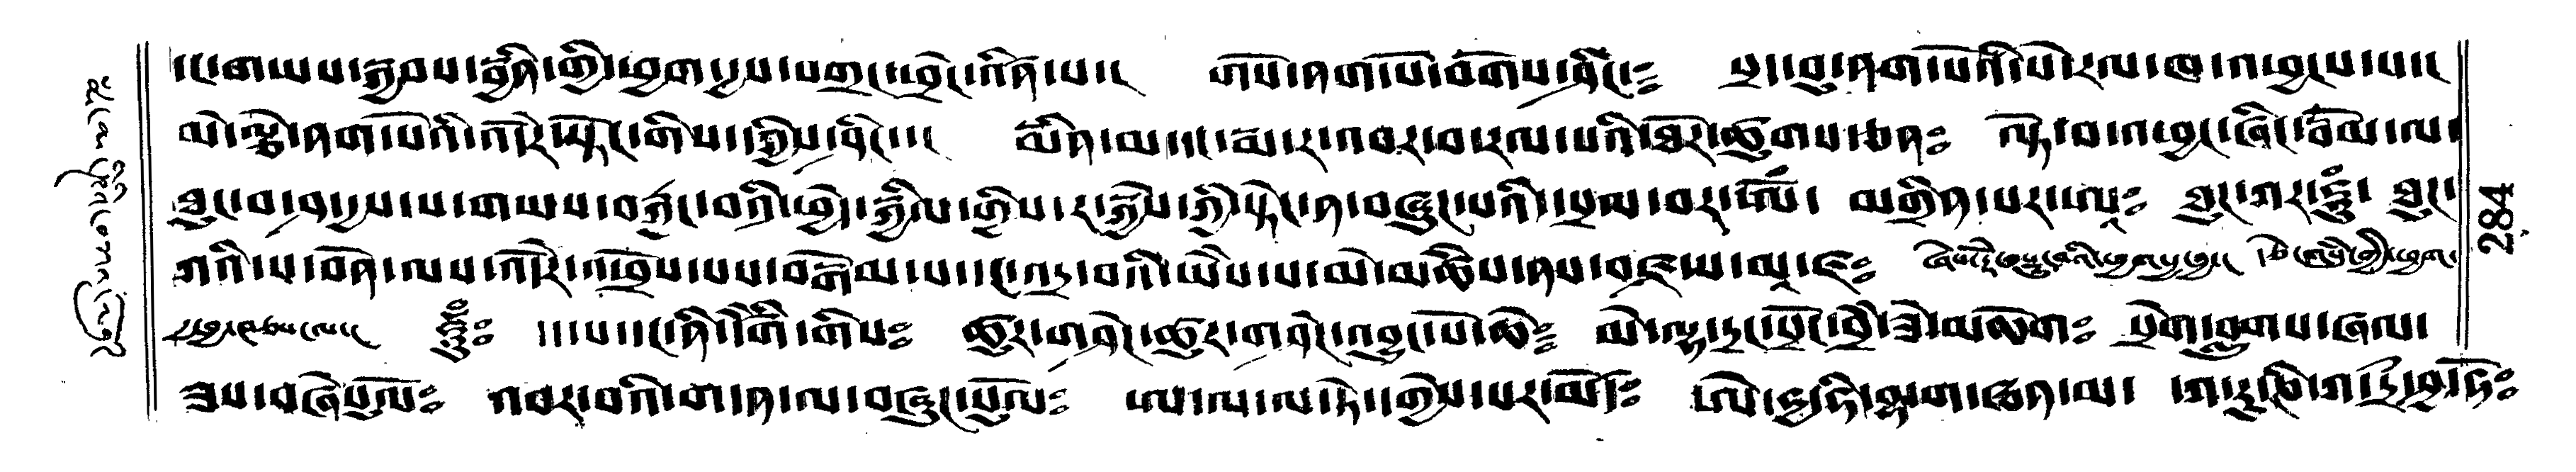དང་གཡས་སྐྱབས་སྦྱིན་གྱི་ཕྱག་རྒྱས་བགྲང་ཕྲེང་འཛིན་པ། གོས་ནག་པོ་བགོས་ཤིང་། སྲད་བུ་ནག་པོའི་སེ་རལ་ཁ་འཕྱངས་པ། 
མེ་ལྕེ་ནག་པོའི་འོད་ཟེར་སྟོང་ཕྲག་འགྱེད་ཅིང་། སྨིན་མ་དང་སྨ་ར་འབར་བ་རལ་པའི་ཐོར་ཚུགས་ཅན། ལྟོ་བ་འཕྱང་ཞིང་སྦོམ་ལ་
ཐུང་བ་ཤ་རྒྱས་པ་གཡས་བརྐྱང་བའི་ཕྱེད་སྐྱིལ་གྱིས་ར་སྐྱེས་ཀྱི་སྟེང་ན་བཞུགས་པའི་དཔྲལ་བར་ཨོཾ། མགྲིན་པར་ཨཱཿ ཐུགས་དཀར་ཧཱུྂ། ཐུགས་
ཀའི་ས་བོན་ལས་འོད་ཟེར་འཕྲོས་པས་བསྒོམ་པ་དང་འདྲ་བའི་ཡེ་ཤེས་པ་མེ་མཚམས་ནས་བཛྭ་ཡ་མཱ་ཛཿ ཞེས་རྡོ་རྗེ་བསྡུ་བའི་ཕྱག་རྒྱ་བྱ། རྩེ་གསུམ་གྱི་ཕྱག་
རྒྱ་དང་བཅས་ལ། ཧཱུྃ༔ དད་པ་དང་ནི་དམ་ཚིག་གིས༔ ཚུར་གཤེགས་ཚུར་གཤེགས་འབྱུང་པོ་ཆེ༔ མེ་ལྷ་དྲང་སྲོང་བྲམ་ཟེ་མཆོག༔ སྲེག་བླུགས་ཞལ་
ཟས་བཞེས་སུ་གསོལ༔ འབར་བའི་གདན་ལ་བཞུགས་སུ་གསོལ༔ ཨ་ལ་ལ་ཏེ་དགྱེས་པར་མཛོད༔ ཨེ་ཧྱ་ཧི་བྷ་ག་ཝན་མ་ཧ་ཀ་རུ་ཎི་ཀ་དྲྀ་ཤྱ་ཧོ༔